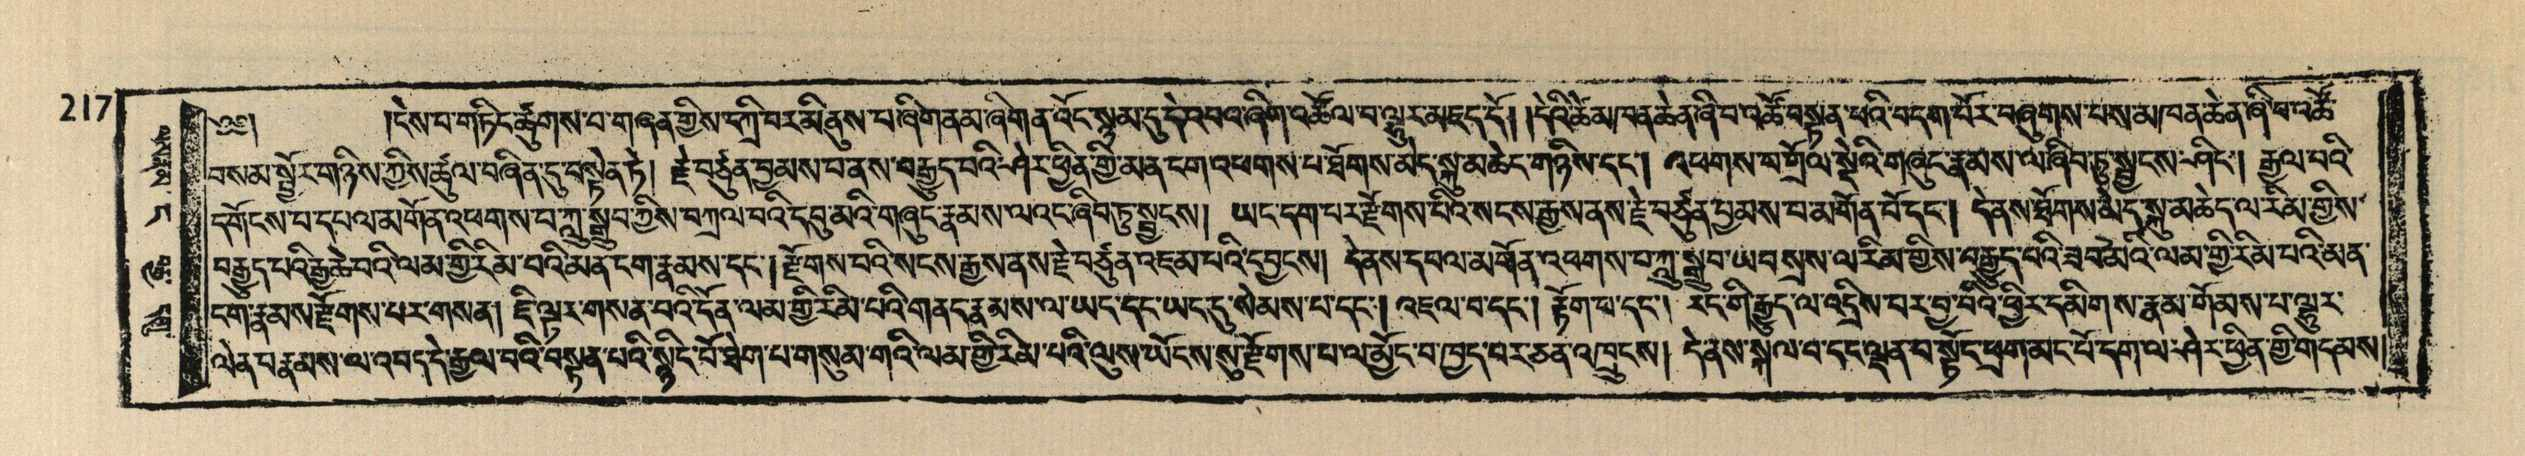༄༅། །ངེས་བ་གཏིང་ཚུགས་པ་གཞན་གྱིས་དཀྲི་བར་མི་ནུས་པ་ཞིག་ནམ་ཞིག་ན་འོང་སྙམ་དུ་དེ་འབའ་ཞིག་འཚོལ་བ་ལྷུར་མཇད་དོ། །དེའི་ཚེ་མཁན་ཆེན་ཞི་བ་འཚོ་བསྟན་པའི་བདག་པོར་བཞུགས་པས་མཁན་ཆེན་ཞི་བ་འཚོ་
བསམ་སྦྱོར་གཉིས་ཀྱིས་ཚུལ་བཞིན་དུ་བསྟེན་ཏེ། རྗེ་བཙུན་བྱམས་པ་ནས་བརྒྱུད་པའི་ཤེར་ཕྱིན་གྱི་མན་ངག་འཕགས་པ་ཐོགས་མེད་སྐུ་མཆེད་གཉིས་དང་། འཕགས་པ་གྲོལ་སྡེའི་གཞུང་རྣམས་ལ་ཞིབ་ཏུ་སྦྱངས་ཤིང་། རྒྱལ་བའི་
དགོངས་པ་དཔལ་མགོན་འཕགས་པ་ཀླུ་སྒྲུབ་ཀྱིས་བཀྲལ་བའི་དབུ་མའི་གཞུང་རྣམས་ལའང་ཞིབ་ཏུ་སྦྱངས། ཡང་དག་པར་རྫོགས་པའི་སངས་རྒྱས་ནས་རྗེ་བཙུན་བྱམས་པ་མགོན་བོ་དང་། དེ་ནས་ཐོགས་མེད་སྐུ་མཆེད་ལ་རིམ་གྱིས་
བརྒྱུད་པའི་རྒྱ་ཆེ་བའི་ལམ་གྱི་རིམ་བའི་མན་ངག་རྣམས་དང་། རྫོགས་པའི་སངས་རྒྱས་ནས་རྗེ་བཙུན་འཇམ་པའི་དབྱངས། དེ་ནས་དཔལ་མགོན་འཕགས་པ་ཀླུ་སྒྲུབ་ཡབ་སྲས་ལ་རིམ་གྱིས་བརྒྱུད་པའི་ཟབ་མའི་ལམ་གྱི་རིམ་པའི་མན་
ངག་རྣམས་རྫོགས་པར་གསན། ཇི་ལྟར་གསན་བའི་དོན་ལམ་གྱི་རིམ་པའི་གནད་རྣམས་ལ་ཡང་དང་ཡང་དུ་སེམས་པ་དང་། འཇལ་བ་དང་། རྟོག་པ་དང་། རང་གི་རྒྱུད་ལ་འདྲིས་པར་བྱ་བའི་ཕྱིར་དམིགས་རྣམ་གོམས་པ་ལྷུར་
ལེན་པ་རྣམས་ལ་འབད་དེ་རྒྱལ་བའི་བསྟན་པའི་སྙིང་པོ་ཐེག་པ་གསུམ་གའི་ལམ་གྱི་རིམ་པའི་ལུས་ཡོངས་སུ་རྫོགས་པ་ལ་མྱོང་བ་ཁྱད་བར་ཅན་འཁྲུངས། དེ་ནས་སྐལ་བ་དང་ལྡན་པ་སྟོང་ཕྲག་མང་པོ་དག་ལ་ཤེར་ཕྱིན་གྱི་གདམས།